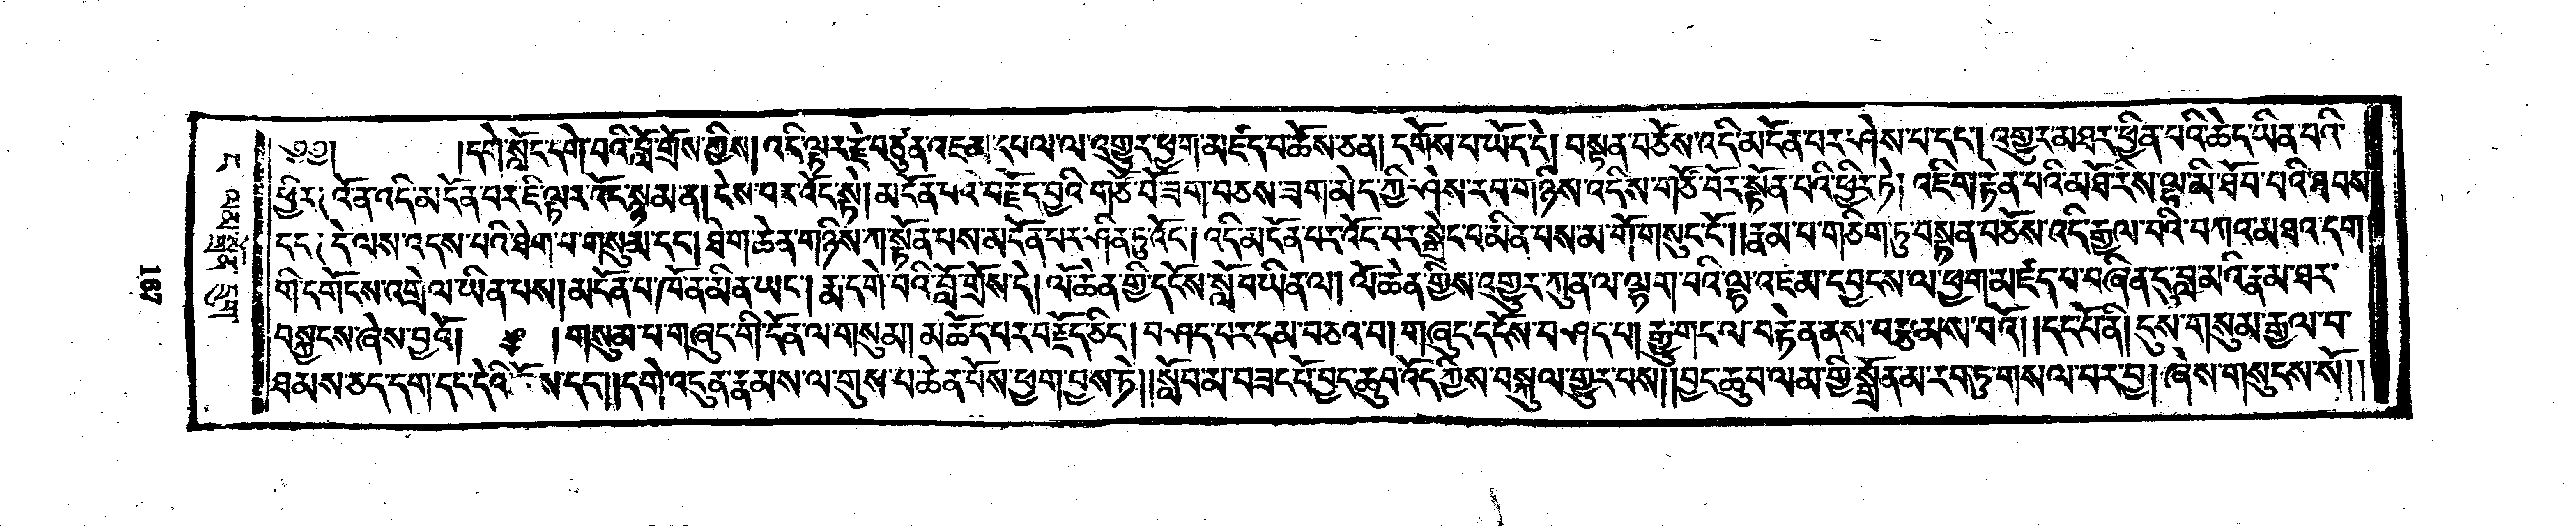༄༅། །དགེ་སློང་དགེ་བའི་བློ་གྲོས་ཀྱིས། འདི་ལྟར་རྗེ་བཙུན་འཇམ་དཔལ་ལ་འགྱུར་ཕྱག་མཛད་པ་ཆོས་ཅན། དགོས་པ་ཡོད་དེ། བསྟན་བཅོས་འདི་མངོན་པར་ཤེས་པ་དང་། འགྱུར་མཐར་ཕྱིན་པའི་ཆེད་ཡིན་པའི་
ཕྱིར། འོ་ན་འདི་མངོན་པར་ཇི་ལྟར་འོང་སྙམ་ན། ངེས་པར་འོང་སྟེ། མངོན་པའི་བརྗོད་བྱའི་གཙོ་བོ་ཟག་བཅས་ཟག་མེད་ཀྱི་ཤེས་རབ་གཉིས་འདིས་གཙོ་བོར་སྟོན་པའི་ཕྱིར་ཏེ། འཇིག་རྟེན་པའི་མཐོ་རིས་ལྷ་མི་ཐོབ་པའི་ཐབས་
དང་། དེ་ལས་འདས་པའི་ཐེག་པ་གསུམ་དང་། ཐེག་ཆེན་གཉིས་ཀ་སྟོན་པས་མངོན་པར་ཤིན་ཏུ་འོང་། འདི་མངོན་པར་འོང་པར་སྒྲེང་བ་མིན་པས་མ་གོ་གསུང་ངོ། །རྣམ་པ་གཅིག་ཏུ་བསྟན་བཅོས་འདི་རྒྱལ་བའི་བཀའ་མཐའ་དག་
གི་དགོངས་འགྲེལ་ཡིན་པས། མངོན་པ་ཁོ་ན་མིན་ཡང་། རྨ་དགེ་བའི་བློ་གྲོས་དེ། ལོ་ཆེན་གྱི་དངོས་སློབ་ཡིན་ལ། ལོ་ཆེན་གྱིས་འགྱུར་ཀུན་ལ་ལྷག་པའི་ལྷ་འཇམ་དབྱངས་ལ་ཕྱག་མཛད་པ་བཞིན་དུ་བླ་མའི་རྣམ་ཐར་
བསྐྱངས་ཞེས་བྱའོ། ༈ །གསུམ་པ་གཞུང་གི་དོན་ལ་གསུམ། མཆོད་པར་བརྗོད་ཅིང་། བཤད་པར་དམ་བཅའ་བ། གཞུང་དངོས་བཤད་པ། རྒྱུ་གང་ལ་བརྟེན་ནས་བརྩམས་པའོ། །དང་པོ་ནི། དུས་གསུམ་རྒྱལ་བ་
ཐམས་ཅད་དག་དང་དེའི་ཆོས་དང་། །དགེ་འདུན་རྣམས་ལ་གུས་པ་ཆེན་པོས་ཕྱག་བྱས་ཏེ། །སློབ་མ་བཟང་པོ་བྱང་ཆུབ་འོད་ཀྱིས་བསྐུལ་གྱུར་པས། །བྱང་ཆུབ་ལམ་གྱི་སྒྲོན་མ་རབ་ཏུ་གསལ་བར་བྱ། ཞེས་གསུངས་སོ། །